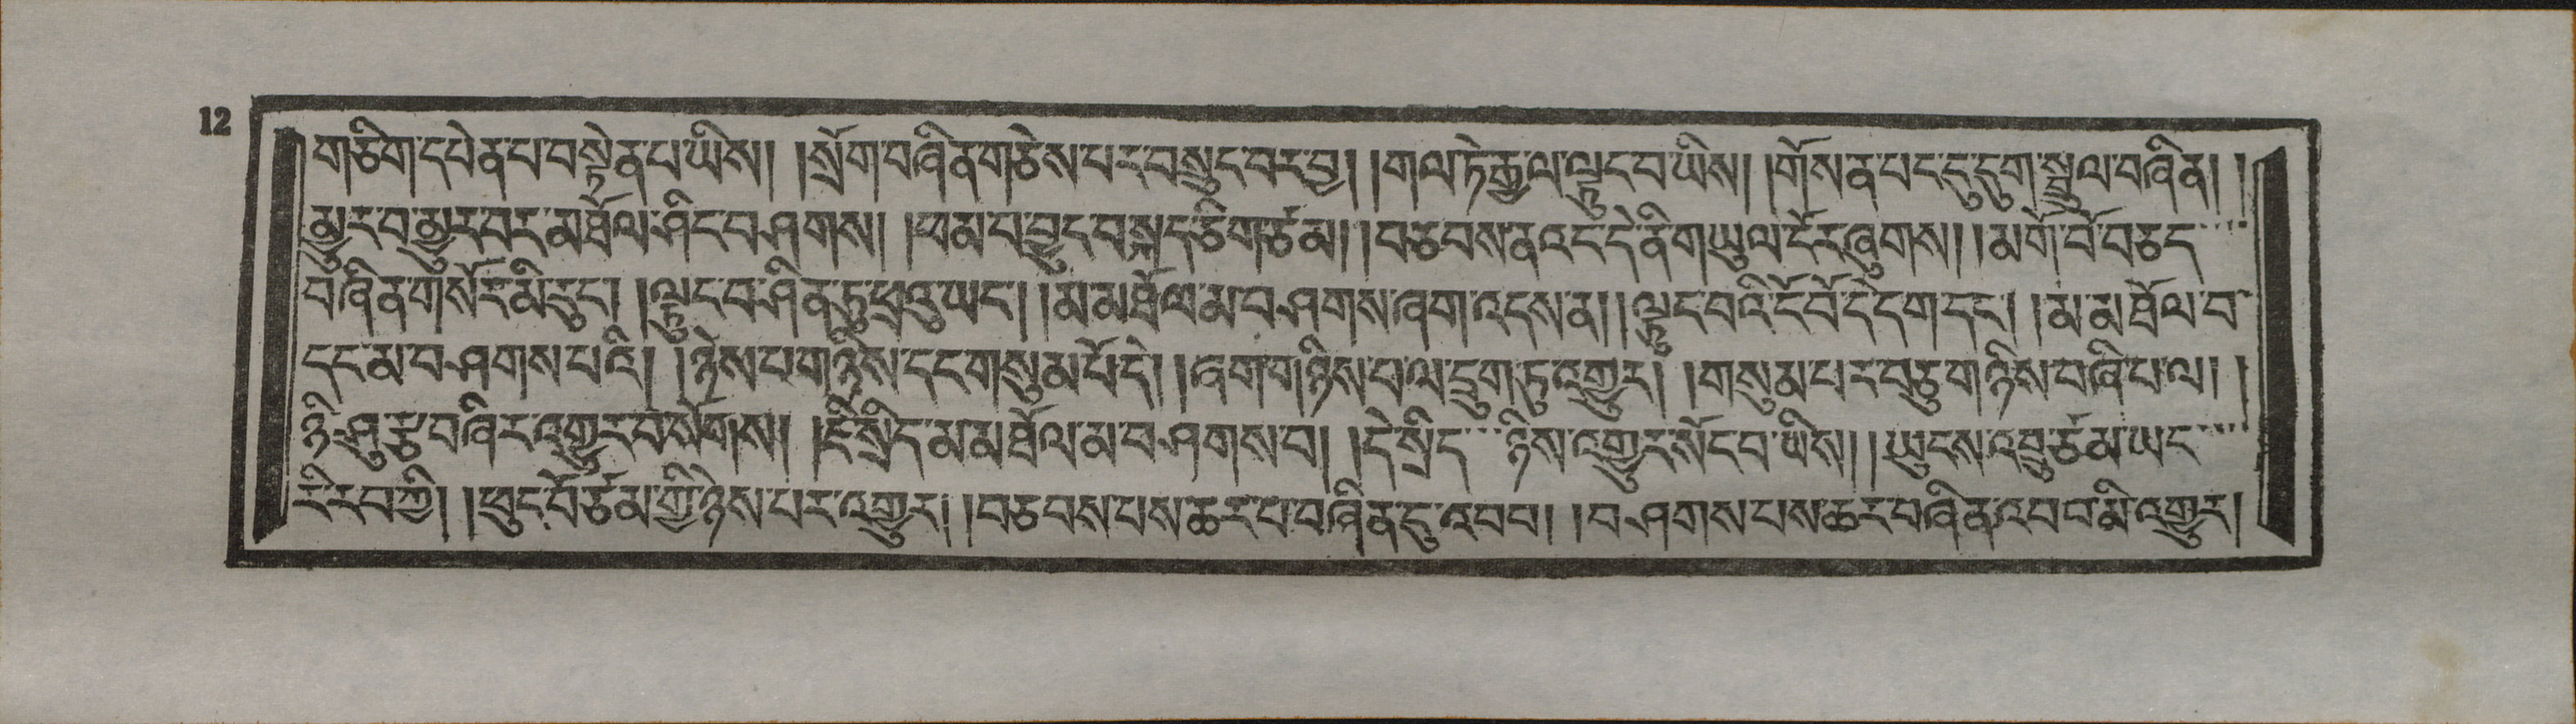གཅིག་དབེན་པ་བསྟེན་པ་ཡིས། །སྲོག་བཞིན་གཅེས་པར་བསྲུང་བར་བྱ། །གལ་ཏེ་རྒྱ་ལ་ལྟུང་བ་ཡིས། །གོས་ན་པང་དུ་དུག་སྦྲུལ་བཞིན། །
མྱུར་བ་མྱུར་བར་མཐོལ་ཤིང་བཤགས། །བམ་པ་བྱུང་བ་སྐད་ཅིག་ཙམ། །བཅབས་ནའང་དེ་ནི་གཡུལ་ངོར་ཞུགས། །མགོ་བོ་བཅད་
བཞིན་གསོར་མི་རུང་། །ལྟུང་བ་ཤིན་ཏུ་ཕྲའུ་ཡང་། །མ་མཐོལ་མ་བཤགས་ཞག་འདས་ན། །ལྟུང་བའི་ངོ་བོ་དེ་དག་དང་། །མ་མཐོལ་བ་
དང་མ་བཤགས་པའི། །ཉེས་པ་གཉིས་དང་གསུམ་པོ་དེ། །ཞག་གཉིས་པ་ལ་དྲུག་ཏུ་འགྱུར། །གསུམ་པར་བཅུ་གཉིས་བཞི་པ་ལ། །
ཉི་ཤུ་རྩ་བཞིར་འགྱུར་པ་སོགས། །ཇི་སྲིད་མ་མཐོལ་མ་བཤགས་པ། །དེ་སྲིད་ཉིས་འགྱུར་སོང་བ་ཡིས། །ཡུངས་འབྲུ་ཙམ་ཡང་
རི་རབ་ཀྱི། །ཕུང་པོ་ཙམ་གྱི་ཉེས་པར་འགྱུར། །བཅབས་པས་ཆར་པ་བཞིན་དུ་འབབ། །བཤགས་པས་ཆར་བཞིན་འབབ་མི་འགྱུར།